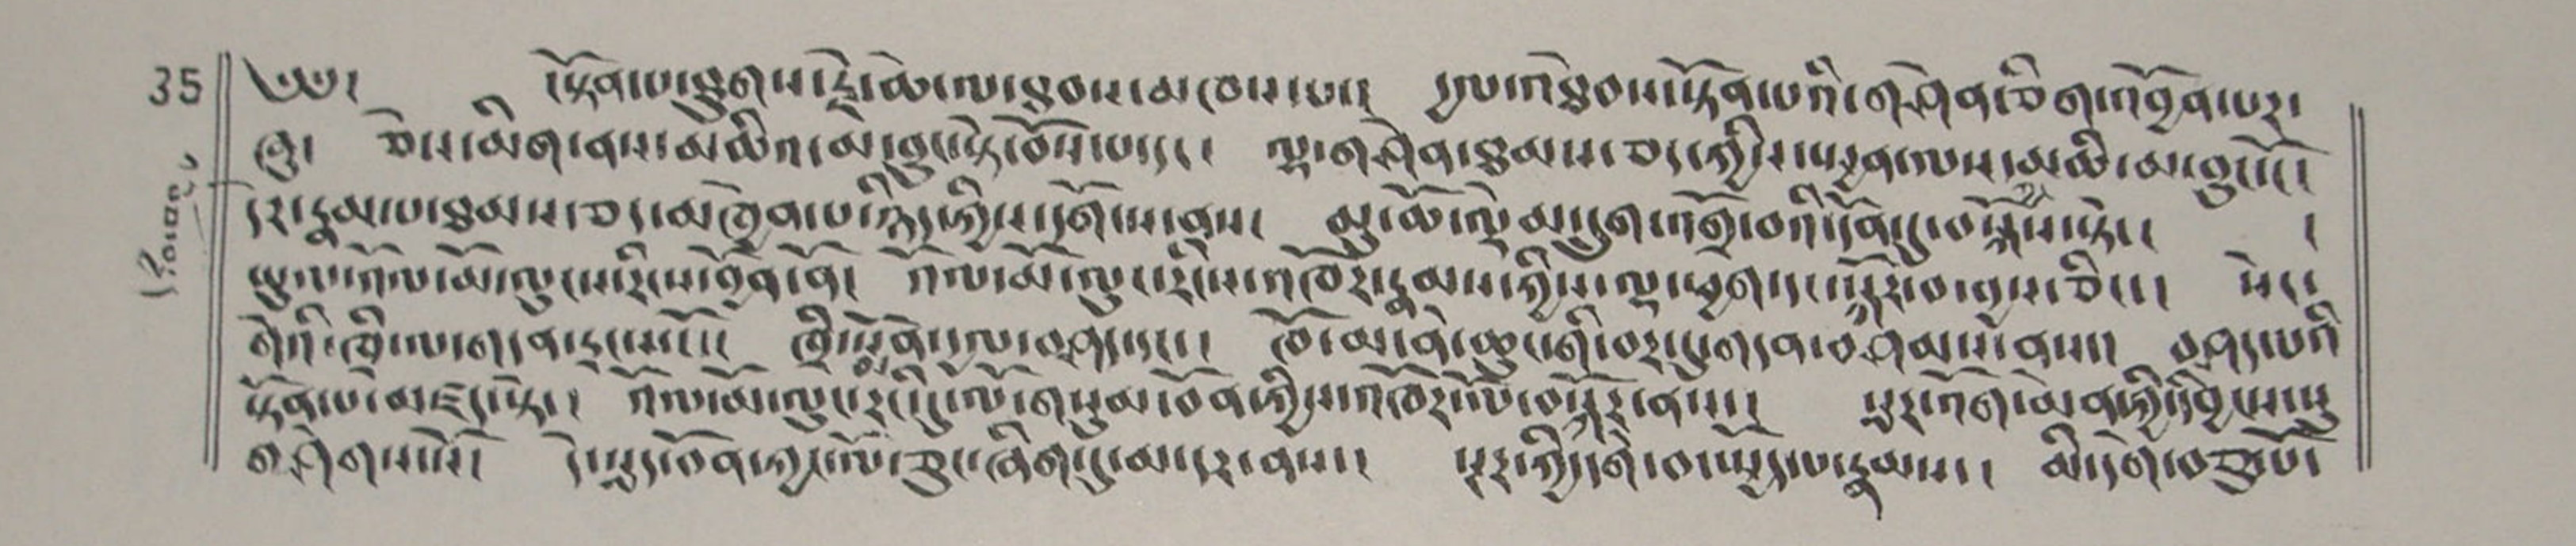༄༅། །སྟོན་པ་ཐུགས་རྗེ་ཆེ་ལ་ཐབས་མཁས་པ། རྒྱལ་ཐེབས་སྟོན་པའི་གཤེན་ཅིག་འབྱོན་པར་
ཞུ། ཅེས་མིག་ནས་མཆི་མ་བྱུང་ནས་བོས་པ་ན། ལྷ་གཤེན་ཐམས་ཅད་ཀྱི་སྤྱན་ལས་མཆི་མ་བྱུང་ངོ་། 
།དེར་རྣམ་པ་ཐམས་ཅད་མཁྱེན་པ་ཉིད་ཀྱིས་དགོངས་ནས། མུ་ཆོ་ལྡེམ་དྲུག་འགྲོ་བའི་དོན་དུ་བསྐོས་ཏེ། 
ཡུལ་འོལ་མོ་ལུང་རིང་དུ་བྱོན་ནོ། འོལ་མོ་ལུང་རིང་འཁོར་རྣམས་ཀྱིས་ལྷ་ཕྱག་དང་བསྐོར་བ་བྱས་ཅིང་། སེང་
གེའི་ཁྲི་ལ་གདན་དྲངས་སོ། །ཁྲི་སྨོན་རྒྱལ་བཞད་(བཤད)དང་། ཁོ་མ་ནེའུ་ཆུང་གི་བར་དུ་གདན་བཤམས་ནས། བཤད་པའི་
སྟོན་པ་མཛད་དེ། འོལ་མོ་ལུང་རིང་དུ་ལོ་གསུམ་བོན་གྱི་འཁོར་ལོ་བསྐོར་ནས། སླར་འོག་མིན་གྱི་དབྱིངས་སུ་
གཤེགས་སོ། །དེ་སླད་བོན་ཀྱང་ལོ་ཅུང་ཞིག་མ་དར་ནས། སྔར་གྱི་དགེ་བ་སྤྱོད་པ་རྣམས། མི་དགེ་བ་བཅུ་བོ་